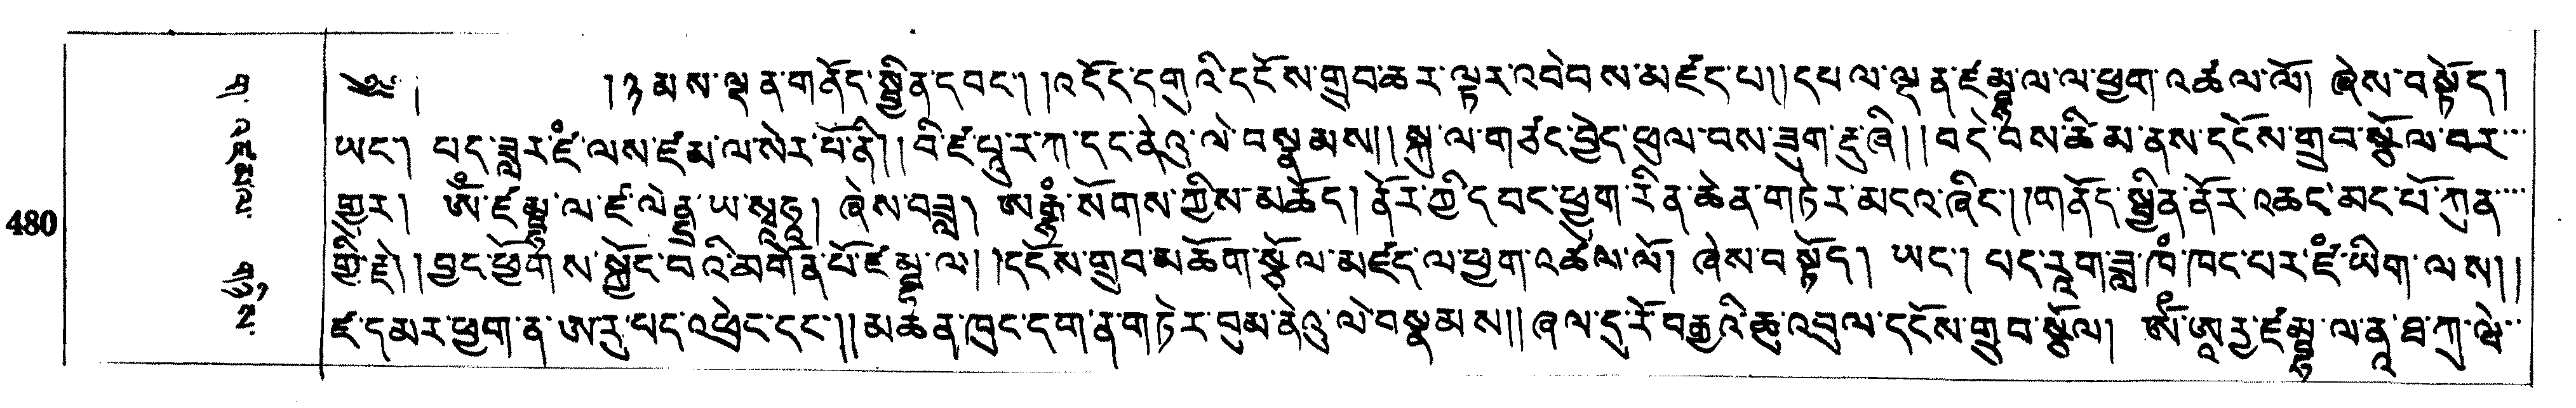༄༅། །ཉམས་ལྡན་གནོད་སྦྱིན་དབང་། །འདོད་དགུའི་དངོས་གྲུབ་ཆར་ལྟར་འབེབས་མཛད་པ། །དཔལ་ལྡན་ཛམྦྷ་ལ་ལ་ཕྱག་འཚལ་ལོ། ཞེས་བསྟོད།
ཡང་། པད་ཟླར་ཛཾ་ལས་ཛམ་ལ་སེར་པོ་ནི། །བི་ཛ་པཱུ་ར་ཀ་དང་ནེའུ་ལེ་བསྣམས། །སྐུ་ལ་གཙང་བྱེད་ཕུལ་བས་ཟུག་རྔུ་ཞི། །བདེ་བས་ཚིམ་ནས་དངོས་གྲུབ་སྩོལ་བར་
གྱུར། ཨོཾ་ཛམྦྷ་ལ་ཛ་ལེནྡྲ་ཡ་སྭཱ་ཧཱ། ཞེས་བཟླ། ཨ་རྒྷཾ་སོགས་ཀྱིས་མཆོད། ནོར་ཀྱི་དབང་ཕྱུག་རིན་ཆེན་གཏེར་མངའ་ཞིང་། །གནོད་སྦྱིན་ནོར་འཆང་མང་པོ་ཀུན་
གྱི་རྗེ། །བྱང་ཕྱོགས་སྐྱོང་བའི་མགོན་པོ་ཛ་མྦྷ་ལ། །དངོས་གྲུབ་མཆོག་སྩོལ་མཛད་ལ་ཕྱག་འཚལ་ལོ། ཞེས་བསྟོད། ཡང་། པད་རཱག་ཟླ་ཁཾ་ཁང་པར་ཛཾ་ཡིག་ལས། །
ཛ་དམར་ཕྱག་ན་ཨ་རུ་པད་འཕྲེང་དང་། །མཚན་ཁྲང་?་དག་ན་གཏེར་བུམ་ནེའུ་ལེ་བསྣམས། །ཞལ་དུ་རོ་བརྒྱའི་ཆུ་འབུལ་དངོས་གྲུབ་སྩོལ། ཨོཾ་ཨཱརྱ་ཛ་མྦྷ་ལ་ནཱ་ཐ་ཀུ་ཝེ་